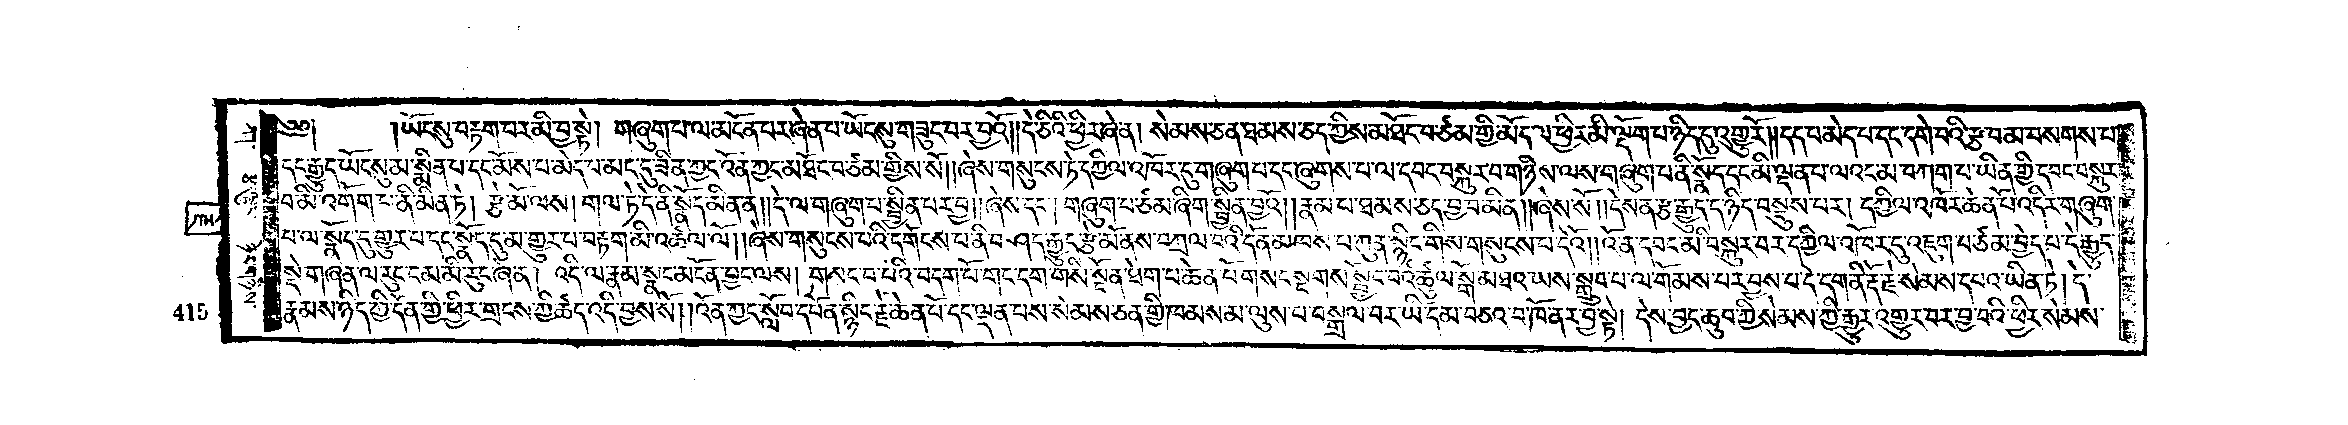༄༅། །ཡོངས་སུ་བརྟག་པར་མི་བྱ་སྟེ། གཞུག་པ་ལ་མངོན་པར་ཞེན་པ་ཡོངས་སུ་གཟུང་བར་བྱའོ། །དེ་ཅིའི་ཕྱིར་ཞེ་ན། སེམས་ཅན་ཐམས་ཅད་ཀྱིས་མཐོང་བ་ཙམ་གྱི་མོད་ལ་ཕྱིར་མི་ལྡོག་པ་ཉིད་དུ་འགྱུར་རོ། །དད་པ་མེད་པ་དང་དགེ་བའི་རྩ་བ་མ་བསགས་པ་
དང་རྒྱུད་ཡོངས་སུ་མ་སྨིན་པ་དང་མོས་པ་མེད་པ་མང་དུ་ཟིན་ཀྱང་འོན་ཀྱང་མཐོང་བ་ཙམ་གྱིས་སོ། །ཞེས་གསུངས་ཏེ་དཀྱིལ་འཁོར་དུ་གཞུག་པ་དང་ཞུགས་པ་ལ་དབང་བསྐུར་བ་གཉིས་ལས་གཞུག་པ་ནི་སྣོད་དང་མི་ལྡན་པ་ལའང་མ་བཀག་པ་ཡིན་གྱི་དབང་བསྐུར་
བ་མི་འགོག་པ་ནི་མིན་ཏེ། རྩེ་མོ་ལས། གལ་ཏེ་དེ་ནི་སྣོད་མིན་ན། །དེ་ལ་གཞུག་པ་སྦྱིན་པར་བྱ། །ཞེས་དང་། གཞུག་པ་ཙམ་ཞིག་སྦྱིན་བྱའོ། །རྣམ་པ་ཐམས་ཅད་བྱ་བ་མིན། །ཞེས་སོ། །དེས་ན་རྩ་རྒྱུད་དེ་ཉིད་བསྡུས་པར། དཀྱིལ་འཁོར་ཆེན་པོ་འདིར་གཞུག་
པ་ལ་སྣོད་དུ་གྱུར་པ་དང་སྣོད་དུ་མ་གྱུར་པ་བརྟག་མི་འཚལ་ལོ། །ཞེས་གསུངས་པའི་དགོངས་པ་ནི་བཤད་རྒྱུད་རྩེ་མོ་ནས་བཀྲལ་བའི་དོན་མཁས་པ་ཀུན་སྙིང་གིས་གསུངས་པ་དེའོ། །འོ་ན་དབང་མི་བསྐུར་བར་དཀྱིལ་འཁོར་དུ་འཇུག་པ་ཙམ་བྱེད་པ་དེ་རྒྱུད་
སྡེ་གཞན་ལ་རུང་དམ་མི་རུང་ཞེ་ན། འདི་ལ་རྣམ་སྣང་མངོན་བྱང་ལས། གསང་བ་པའི་བདག་པོ་གང་དག་གིས་སྔོན་ཐེག་པ་ཆེན་པོ་གསང་སྔགས་སྦྱོང་བའི་ཚུལ་སྒོ་མཐའ་ཡས་སྒྲུབ་པ་ལ་གོམས་པར་བྱས་པ་དེ་དག་ནི་རྡོ་རྗེ་སེམས་དཔའ་ཡིན་ཏེ། དེ་
རྣམས་ཉིད་ཀྱི་དོན་གྱི་ཕྱིར་གྲངས་ཀྱི་ཚད་འདི་བྱས་སོ། །འོན་ཀྱང་སློབ་དཔོན་སྙིང་རྗེ་ཆེན་པོ་དང་ལྡན་པས་སེམས་ཅན་གྱི་ཁམས་མ་ལུས་པ་བསྒྲལ་བར་ཡི་དམ་བཅའ་བ་ཁོ་ནར་བྱ་སྟེ། དེས་བྱང་ཆུབ་ཀྱི་སེམས་ཀྱི་རྒྱུར་འགྱུར་བར་བྱ་བའི་ཕྱིར་སེམས་